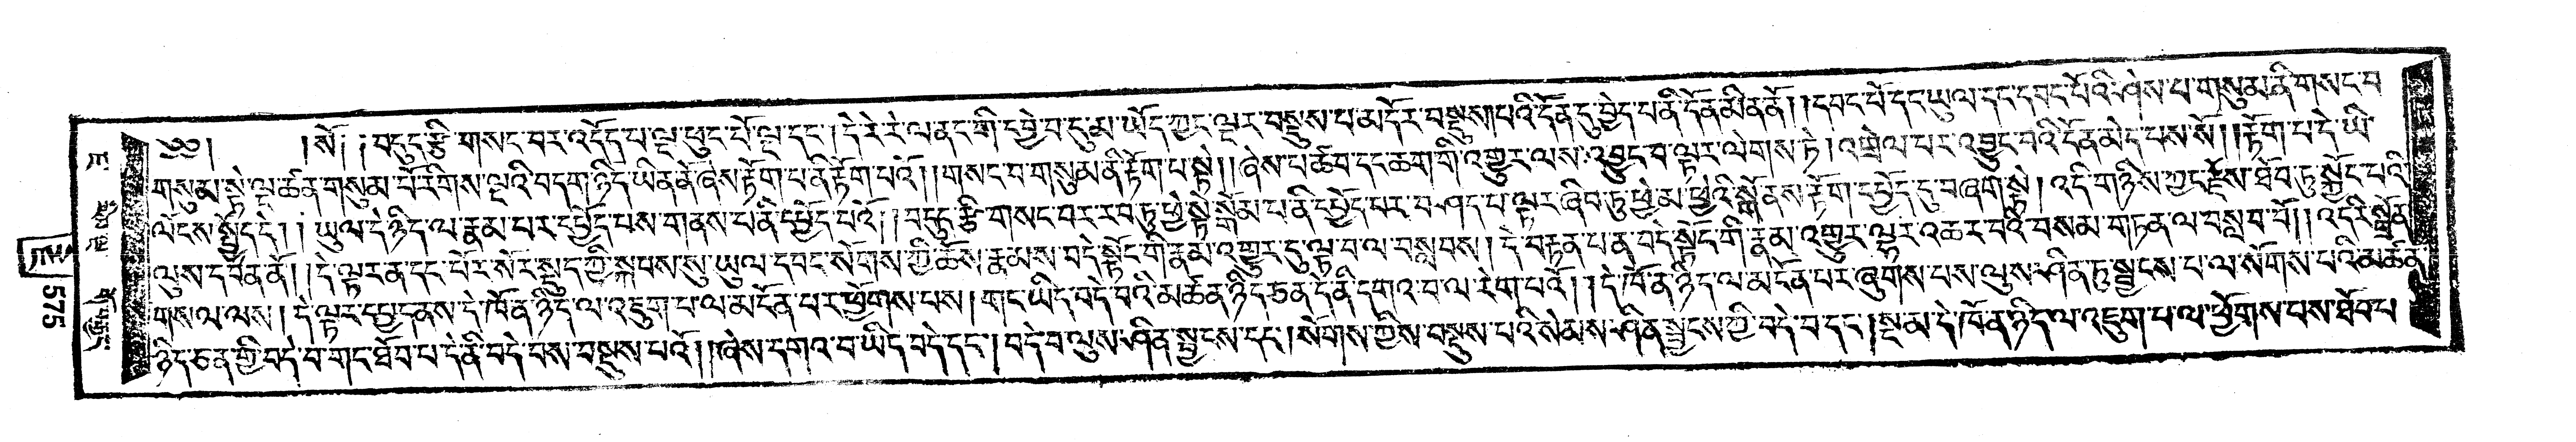༄༅། །སོ༑ ༑བདུད་རྩི་གསང་བར་འདོད་པ་ལྔ་ཕུང་པོ་ལྔ་དང་། དེ་རེ་རེ་ལ་ནང་གི་དབྱེ་བ་དུ་མ་ཡོད་ཀྱང་ལྔར་བསྡུད་པ་མདོར་བསྡུས་པའི་དོན་དུ་བྱེད་པ་ནི་དོན་མིན་ནོ། །དབང་པོ་དང་ཡུལ་དང་དབང་པོའི་ཤེས་པ་གསུམ་ནི་གསང་བ་
གསུམ་སྟེ་ལྔ་ཚན་གསུམ་པོ་རིགས་ལྔའི་བདག་ཉིད་ཡིན་ནོ་ཞེས་རྟོག་པ་ནི་རྟོག་པའོ། །གསང་བ་གསུམ་ནི་རྟོག་པ་སྟེ། །ཞེས་པ་ཚབ་དང་ཆག་གི་འགྱུར་ལས་འབྱུང་བ་ལྟར་ལེགས་ཏེ། འགྲེལ་པར་འབྱུང་བའི་དོན་མེད་པས་སོ། །རྟོག་པ་དེ་ཡི་
ལོངས་སྤྱོད་དེ། །ཡུལ་དེ་ཉིད་ལ་རྣམ་པར་དཔྱོད་པས་གནས་པ་ནི་དཔྱོད་པའོ། །བདུད་རྩི་གསང་བར་རབ་ཏུ་ཕྱེ་སྟེ་སྒོམ་པ་ནི་དཔྱོད་པར་བཤད་པ་ལྟར་ཞིབ་ཏུ་ཕྱེ་མ་ཕྱེའི་སྒོ་ནས་རྟོག་དཔྱོད་དུ་བཞག་སྟེ། འདི་གཉིས་ཀྱང་རྗེས་ཐོབ་ཏུ་སྐྱོང་པའི་
ལུས་དབེན་ནོ། །དེ་ལྟར་ན་དང་པོར་སོར་སྡུད་ཀྱི་སྐབས་སུ་ཡུལ་དབང་སོགས་ཀྱི་ཆོས་རྣམས་བདེ་སྟོང་གི་རྣམ་འགྱུར་དུ་ལྟ་བ་ལ་བསླབས། ད་བརྟན་པ་ན་བདེ་སྟོང་གི་རྣམ་འགྱུར་ལྷར་འཆར་བའི་བསམ་གཏན་ལ་བསླབ་བོ། །འདིར་སྒྲོན་
གསལ་ལས། དེ་ལྟར་དཔྱད་ནས་དེ་ཁོ་ན་ཉིད་ལ་འཇུག་པ་ལ་མངོན་པར་ཕྱོགས་པས། གང་ཡིད་བདེ་བའི་མཚན་ཉིད་ཅན་དེ་ནི་དགའ་བ་ལ་རེག་པའོ། །དེ་ཁོ་ན་ཉིད་ལ་མངོན་པར་ཞུགས་པས་ལུས་ཤིན་ཏུ་སྦྱངས་པ་ལ་སོགས་པའི་མཚན་
ཉིད་ཅན་གྱི་བདེ་བ་གང་ཐོབ་པ་དེ་ནི་བདེ་བས་བསྡུས་པའོ། །ཞེས་དགའ་བ་ཡིད་བདེ་དང་། བདེ་བ་ལུས་ཤིན་སྦྱངས་དང་། སོགས་ཀྱིས་བསྡུས་པའི་སེམས་ཤིན་སྦྱངས་ཀྱི་བདེ་བ་དང་། སྔ་མ་དེ་ཁོ་ན་ཉིད་ལ་འཇུག་པ་ལ་ཕྱོགས་པས་ཐོབ་པ་